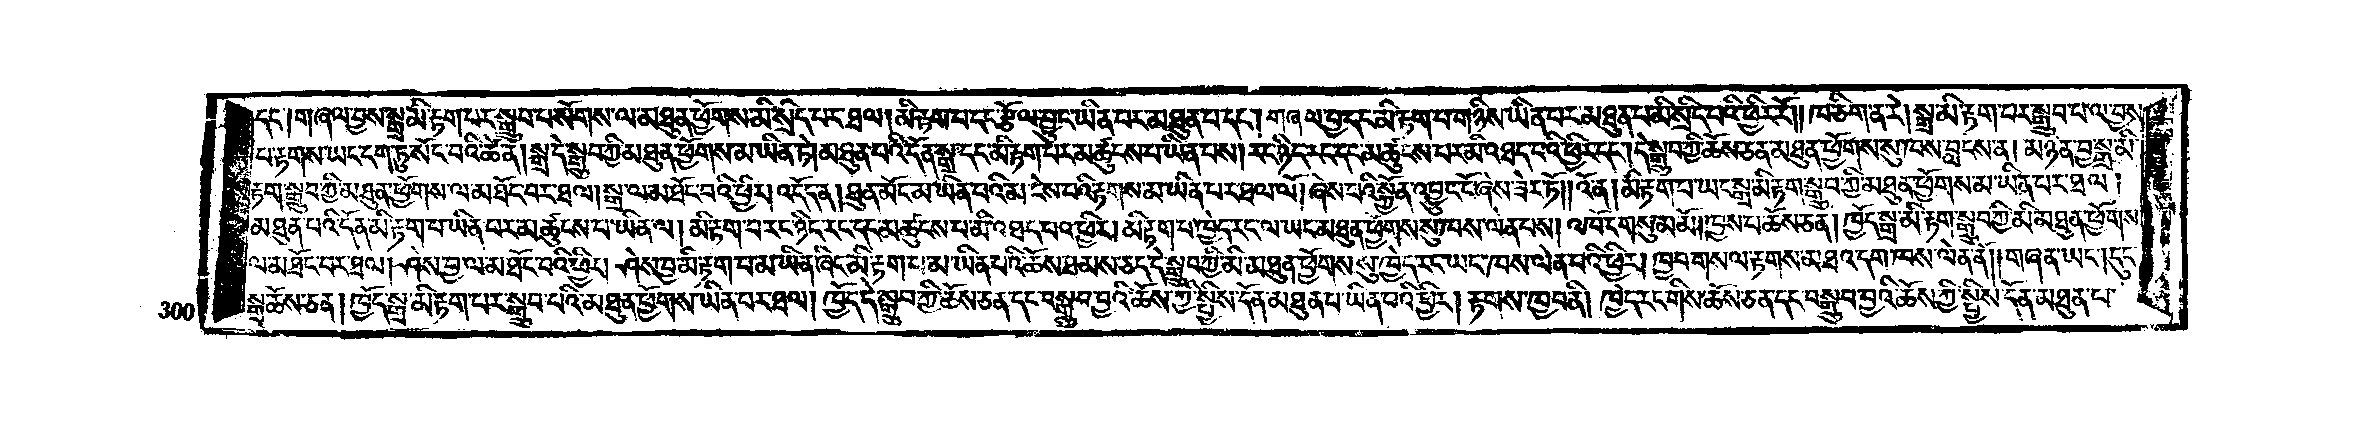དང་། གཞལ་བྱས་སྒྲ་མི་རྟག་པར་སྒྲུབ་པ་སོགས་ལ་མཐུན་ཕྱོགས་མི་སྲིད་པར་ཐལ། མི་རྟག་པ་དང་རྩོལ་བྱུང་ཡིན་པར་མཐུན་པ་དང་། གཞལ་བྱ་དང་མི་རྟག་པ་གཉིས་ཡིན་པར་མཐུན་པ་མི་སྲིད་པའི་ཕྱིར་རོ། །ཁ་ཅིག་ན་རེ། སྒྲ་མི་རྟག་པར་སྒྲུབ་པ་ལ་བྱས་
པ་རྟགས་ཡང་དག་ཏུ་སོང་བའི་ཚེ་ན། སྒྲ་དེ་སྒྲུབ་ཀྱི་མཐུན་ཕྱོགས་མ་ཡིན་ཏེ། མཐུན་པའི་དོན་སྒྲ་དང་མི་རྟག་པར་མཚུངས་པ་ཡིན་པས། རང་ཉིད་རང་དང་མཚུངས་པར་མི་འཐད་པའི་ཕྱིར་དང་། དེ་སྒྲུབ་ཀྱི་ཆོས་ཅན་མཐུན་ཕྱོགས་སུ་ཁས་བླངས་ན། མཉན་བྱ་སྒྲ་མི་
རྟག་སྒྲུབ་ཀྱི་མཐུན་ཕྱོགས་ལ་མཐོང་བར་ཐལ། སྒྲ་ལ་མཐོང་བའི་ཕྱིར། འདོད་ན། ཐུན་མོང་མ་ཡིན་པའི་མ་ངེས་པའི་རྟགས་མ་ཡིན་པར་ཐལ་ལོ། ཞེས་པའི་སྐྱོན་འབྱུང་ངོ་ཞེས་ཟེར་ཏོ། །འོ་ན། མི་རྟག་པ་ཡང་སྒྲ་མི་རྟག་སྒྲུབ་ཀྱི་མཐུན་ཕྱོགས་མ་ཡིན་པར་ཐལ།
མཐུན་པའི་དོན་མི་རྟག་པ་ཡིན་པར་མཚུངས་པ་ཡིན་ལ། མི་རྟག་པ་རང་ཉིད་རང་དང་མཚུངས་པ་མི་འཐད་པའི་ཕྱིར། མི་རྟག་པ་ཁྱེད་རང་ལ་ཡང་མཐུན་ཕྱོགས་སུ་ཁས་ལེན་པས། འཁོར་གསུམ་མོ། །བྱས་པ་ཆོས་ཅན། ཁྱོད་སྒྲ་མི་རྟག་སྒྲུབ་ཀྱི་མི་མཐུན་ཕྱོགས་
ལ་མཐོང་བར་ཐལ། ཤེས་བྱ་ལ་མཐོང་བའི་ཕྱིར། ཤེས་བྱ་མི་རྟག་པ་མ་ཡིན་ཞིང་མི་རྟག་པ་མ་ཡིན་པའི་ཆོས་ཐམས་ཅད་དེ་སྒྲུབ་ཀྱི་མི་མཐུན་ཕྱོགས་སུ་ཁྱེད་རང་ཡང་ཁས་ལེན་པའི་ཕྱིར། ཁྱབ་གསལ་རྟགས་མཐའ་དག་ཁས་ལེན་ནོ། །གཞན་ཡང་། དུང་
སྒྲ་ཆོས་ཅན། ཁྱོད་སྒྲ་མི་རྟག་པར་སྒྲུབ་པའི་མཐུན་ཕྱོགས་ཡིན་པར་ཐལ། ཁྱོད་དེ་སྒྲུབ་ཀྱི་ཆོས་ཅན་དང་བསྒྲུབ་བྱའི་ཆོས་ཀྱི་སྤྱིས་དོན་མཐུན་པ་ཡིན་པའི་ཕྱིར། རྟགས་ཁྱབ་ནི། ཁྱེད་རང་གིས་ཆོས་ཅན་དང་བསྒྲུབ་བྱའི་ཆོས་ཀྱི་སྤྱིས་དོན་མཐུན་པ་